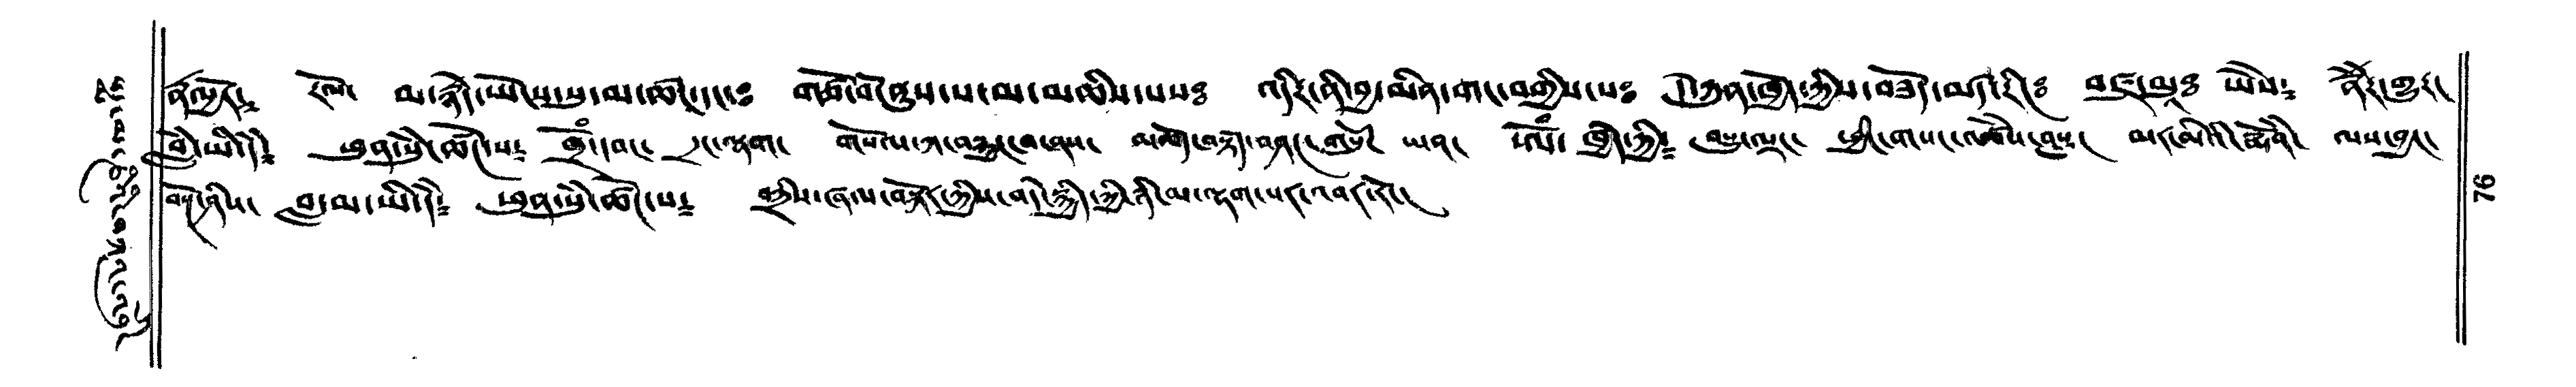༧༦༽ རྣལ་འབྱོར༴ རོལ། མ་རྙེད་ཡོངས་སུ་མ་ཚང་དངཿ གཙོ་བོ་ནུས་པ་མ་མཆིས་པསཿ འདིར་ནི་བྱ་མིན་གང་བགྱིས་པཿ དེ་ཀུན་ཁྱོད་ཀྱིས་བཟོད་མཛད་རིགསཿབཛྲ་མུཿ ཡེ་ཤེས༴ རྣམ་པར་གྱུར། 
བླ་མ་ཡི་དམ༴ ཕུན་སུམ་ཚོགསཔ༴ ཁྲོམ་དབང་། དྲང་ལྷག གསོལ་ཀ་བཀྱགས་བ་ནས། མཆོད་བསྟོད་བཤགས་གསུམ་ཡན། ཨོཾ། ཁྱེད་ཀྱི༴ བསྡུ་ལྡང་། ཕྱི་ནང་གསང་འཚམས་བསྡུ། མར་མེའི་སྨོན་ལམ། ལས་བྱང་གི་
བསྔོ་ཤིས། བླ་མ་ཡི་དམ༴ ཕུན་སུམ་ཚོགས་པ༴ བཀྲིས་ཞལ་བསྐོར་ཀྱིས་བདེ་སྐྱིད་ཀྱི་ཉི་མ་ལྷག་པར་འབར་རོ།། དགེའོ།།